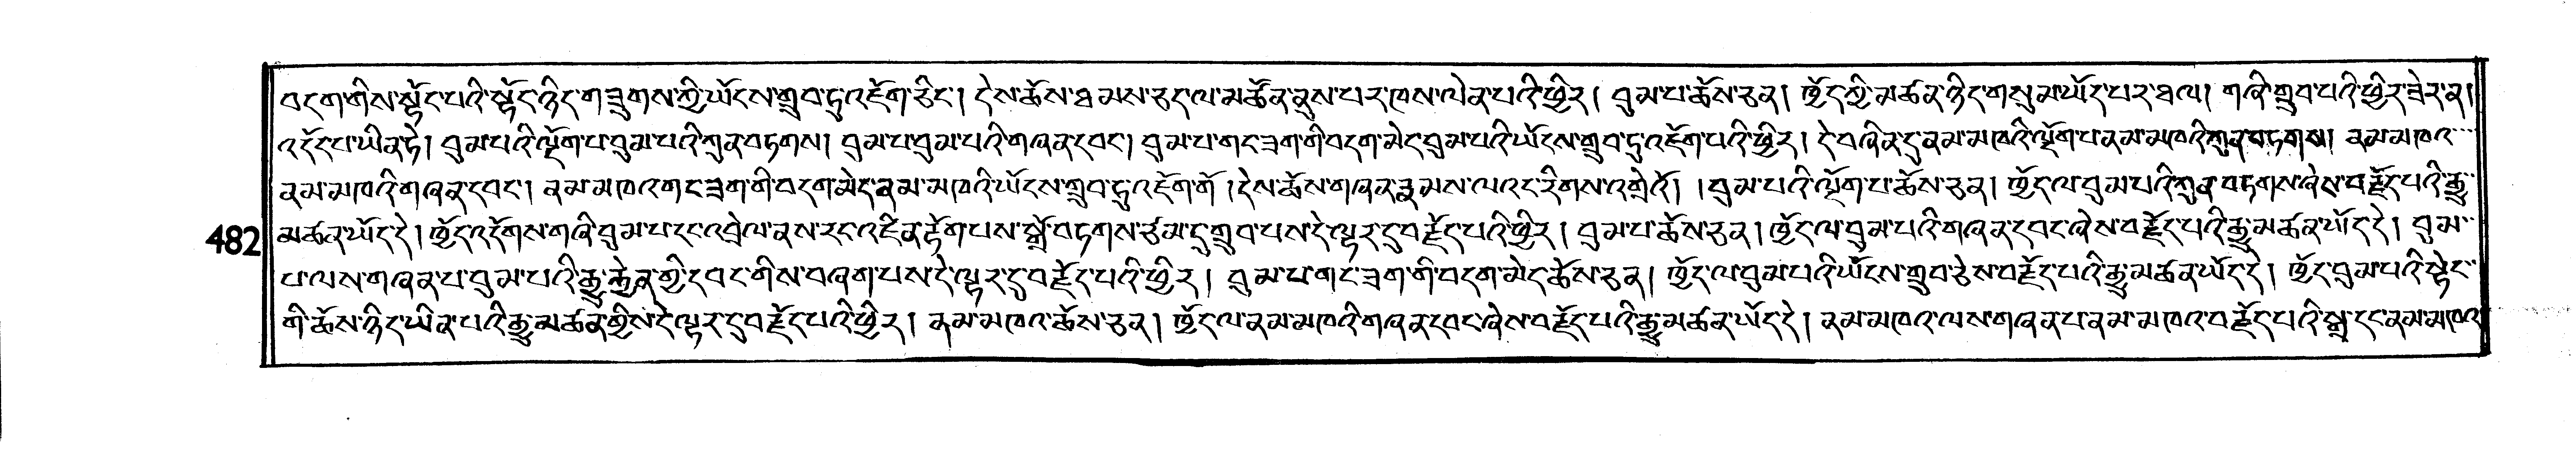བདག་གིས་སྟོང་པའི་སྟོང་ཉིད་གཟུགས་ཀྱི་ཡོངས་གྲུབ་ཏུ་འཇོག་ཅིང་། དེས་ཆོས་ཐམས་ཅད་ལ་མཚོན་ནུས་པར་ཁས་ལེན་པའི་ཕྱིར། བུམ་པ་ཆོས་ཅན། ཁྱོད་ཀྱི་མཚན་ཉིད་གསུམ་ཡོད་པར་ཐལ། གཞི་གྲུབ་པའི་ཕྱིར་ཟེར་ན།
འདོད་པ་ཡིན་ཏེ། བུམ་པའི་ལྡོག་པ་བུམ་པའི་ཀུན་བཏགས། བུམ་པ་བུམ་པའི་གཞན་དབང་། བུམ་པ་གང་ཟག་གི་བདག་མེད་བུམ་པའི་ཡོངས་གྲུབ་ཏུ་འཇོག་པའི་ཕྱིར། དེ་བཞིན་དུ་ནམ་མཁའི་ལྡོག་པ་ནམ་མཁའི་ཀུན་བཏགས། ནམ་མཁའ་
ནམ་མཁའི་གཞན་དབང་། ནམ་མཁའ་གང་ཟག་གི་བདག་མེད་ནམ་མཁའི་ཡོངས་གྲུབ་ཏུ་འཇོག་གོ །དེས་ཆོས་གཞན་རྣམས་ལའང་རིགས་འགྲེའོ། །བུམ་པའི་ལྡོག་པ་ཆོས་ཅན། ཁྱོད་ལ་བུམ་པའི་ཀུན་བཏགས་ཞེས་བརྗོད་པའི་རྒྱུ་
མཚན་ཡོད་དེ། ཁྱོད་འདོགས་གཞི་བུམ་པ་དང་འབྲེལ་ནས་རང་འཛིན་རྟོག་པས་སྒྲོ་བཏགས་ཙམ་དུ་གྲུབ་པས་དེ་ལྟར་དུ་བརྗོད་པའི་ཕྱིར། བུམ་པ་ཆོས་ཅན། ཁྱོད་ལ་བུམ་པའི་གཞན་དབང་ཞེས་བརྗོད་པའི་རྒྱུ་མཚན་ཡོད་དེ། བུམ་
པ་ལས་གཞན་པ་བུམ་པའི་རྒྱུ་རྐྱེན་གྱི་དབང་གིས་བཞག་པས་དེ་ལྟར་དུ་བརྗོད་པའི་ཕྱིར། བུམ་པ་གང་ཟག་གི་བདག་མེད་ཆོས་ཅན། ཁྱོད་ལ་བུམ་པའི་ཡོངས་གྲུབ་ཅེས་བརྗོད་པའི་རྒྱུ་མཚན་ཡོད་དེ། ཁྱོད་བུམ་པའི་སྟེང་
གི་ཆོས་ཉིད་ཡིན་པའི་རྒྱུ་མཚན་གྱིས་དེ་ལྟར་དུ་བརྗོད་པའི་ཕྱིར། ནམ་མཁའ་ཆོས་ཅན། ཁྱོད་ལ་ནམ་མཁའི་གཞན་དབང་ཞེས་བརྗོད་པའི་རྒྱུ་མཚན་ཡོད་དེ། ནམ་མཁའ་ལས་གཞན་པ་ནམ་མཁའ་བརྗོད་པའི་སྒྲ་དང་ནམ་མཁའ་